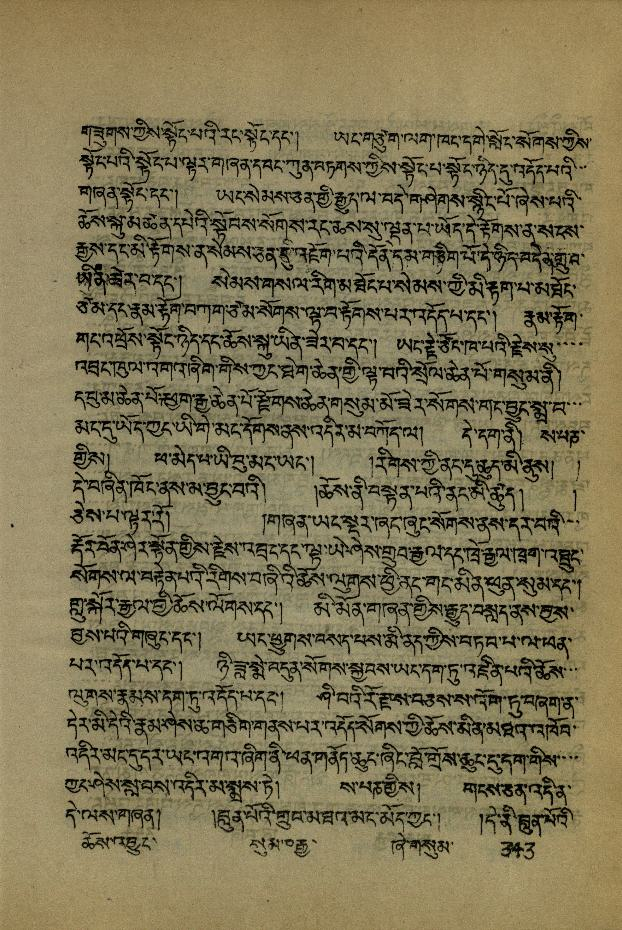གཟུགས་ཀྱིས་སྟོང་པའི་རང་སྟོང་དང་། ཡང་གཙུག་ལག་ཁང་དགེ་སློང་སོགས་ཀྱིས་
སྟོང་པའི་སྟོང་པ་ལྟར་གཞན་དབང་ཀུན་བཏགས་ཀྱིས་སྟོང་པ་སྟོང་ཉིད་དུ་འདོད་པའི་
གཞན་སྟོང་དང་། ཡང་སེམས་ཅན་གྱི་རྒྱུད་ལ་བདེ་གཤེགས་སྙིང་པོ་ཞེས་པའི་
ཆོས་སྐུ་མཚན་དཔེའི་སྟོབས་སོགས་རང་ཆས་སུ་ལྡན་པ་ཡོད་དེ་རྟོགས་ན་སངས་
རྒྱས་དང་མི་རྟོགས་ན་སེམས་ཅན་དུ་འཇོག་པའི་དོན་དམ་གཅིག་པོ་དེ་ཉིད་བདེན་གྲུབ་
ཡིན་ཚེར་བ་དང་། སེམས་གསལ་རིག་མཐོང་པ་སེམས་ཀྱི་མི་རྟག་པ་མཐོང་
ཙམ་དང་རྣམ་རྟོག་བཀག་ཙམ་སོགས་ལྟ་བ་རྟོགས་པར་འདོད་པ་དང་། རྣམ་རྟོག་
གང་འཕྲོས་སྟོང་ཉིད་དང་ཆོས་སྐུ་ཡིན་ཟེར་བ་དང་། ཡང་རྗེ་ཙོང་ཁ་པའི་རྗེས་སུ་
འབྲང་ཁུལ་འགའ་ཞིག་གིས་ཀྱང་ཐེག་ཆེན་གྱི་ལྟ་བའི་སྲོལ་ཆེན་པོ་གསུམ་ནི།
དབུ་མ་ཆེན་པོ་ཕྱག་རྒྱ་ཆེན་པོ་རྫོགས་ཆེན་གསུམ་མོ་ཟེར་སོགས་གང་བྱུང་སྨྲ་བ་
མང་དུ་ཡོད་ཀྱང་ཡི་གེ་མང་དོགས་ནས་འདིར་མ་བཀོད་ལ། དེ་དག་ནི། ས་པཎ་
གྱིས། ཕ་མེད་པ་ཡི་བུ་མང་ཡང་། །རིགས་ཀྱི་ནང་དུ་ཆུད་མི་ནུས། །
དེ་བཞིན་ཁོང་ནས་མ་བྱུང་བའི། །ཆོས་ནི་བསྟན་པའི་ནང་མི་ཚུད། །
ཅེས་པ་ལྟར་རོ། །གཞན་ཡང་སྔར་ཞང་ཞུང་སོགས་ནས་དར་བའི་
རྡོར་བོན་ཤེར་སྟོན་གྱིས་རྗེས་འབྲང་དང་ལྟ་ཡེ་ཤེས་གྲུབ་རྒྱལ་དང་ཁྲོ་རྒྱལ་ཁྲག་འཐུང་
སོགས་ལ་བརྟེན་པའི་རིགས་བཞིའི་ཆོས་ལུགས་ཕྱི་ནང་གང་མིན་ཕུན་སུམ་དང་།
གླུ་སྐོར་རྒྱལ་གྱི་ཆོས་ལོགས་དང་། མི་མོན་གཞན་གྱིས་རྒྱུད་བསླད་ནས་བྱས་
བྱས་པའི་གཞུང་དང་། ཡང་ཕྱུགས་བསད་པས་མི་ནད་ཀྱིས་བཏབ་པ་ལ་ཕན་
པར་འདོད་པ་དང་། ཉི་ཟླ་སྨེ་བདུན་སོགས་སྐྱབས་ཡང་དག་ཏུ་འཛིན་པའི་ཆོས་
ལུགས་རྣམས་དག་ཏུ་འདོད་པ་དང་། ཤི་བའི་རོ་རྫས་བཅས་ས་འོག་ཏུ་བཞག་ན་
དེར་མི་དེའི་རྣམ་ཤེས་ཆ་གཅིག་གནས་པར་འདོད་སོགས་ཀྱི་ཆོས་མིན་མཐའ་འཁོབ་
འདིར་མང་དུ་དར་ཡང་འགའ་ཞིག་ནི་ཕན་གནོད་ཆུང་ཞིང་བློ་གྲོས་ཆུང་དུ་དག་གིས་
ཀྱང་ཤེས་སླ་བས་འདིར་མ་སྨྲས་ཏེ། ས་པཎ་གྱིས། གངས་ཅན་འདི་ན་
དེ་ལས་གཞན། །བླུན་པོའི་གྲུབ་མཐའ་མང་མོད་ཀྱང་། །དེ་ནི་བླུན་པོའི་